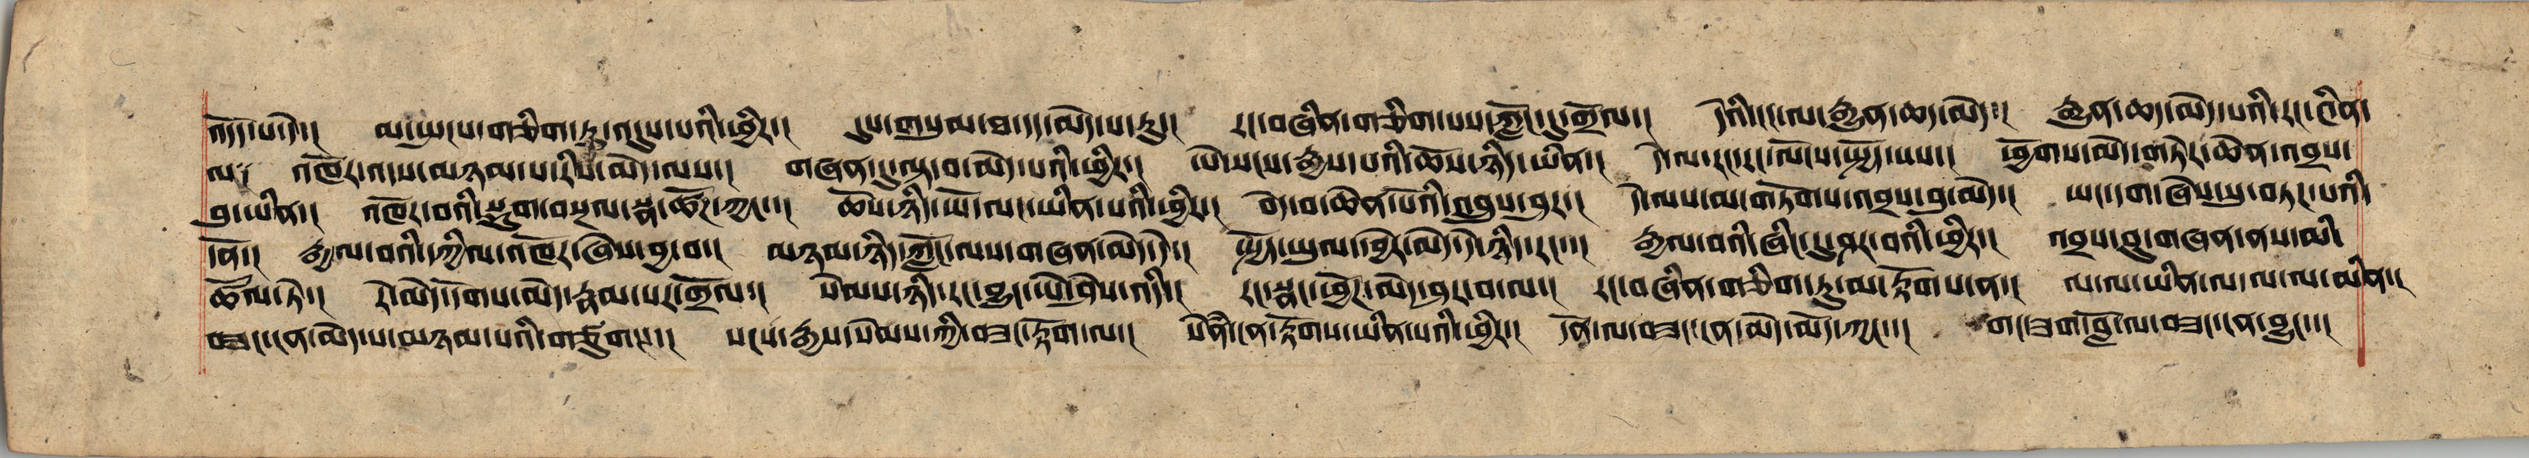འདོད་པ་དེ་། མ་སྤངས་གཅིག་ཏུ་འདུས་པའི་ཕྱིར་། དུས་གསུམ་ཐ་དད་མེད་པ་རུ་། རང་བཞིན་གཅིག་པས་ཀློང་དུ་གྲོལ་། དེའི་ངང་ལ་རྒྱུན་ཆད་མེད་། རྒྱུན་ཆད་མེད་པའི་རང་༤ིན་
ལ༑ འཁོར་འདས་མཉམ་པ་རིས་མེད་ལས་། གཞན་དུ་ལྟ་བ་མེད་པའི་ཕྱིར་། ཡེ་སངས་རྒྱས་པའི་ཆོས་ཉིད་ཡིན་། དེ་ལ་རང་རང་ལོངས་སྤྱོད་པས་། ཕྱོགས་མེད་གཏེར་ཆེན་འབྲས་
བུ་ཡིན་། འཁོར་བའི་སྡུག་བསྔལ་སྣ་ཚོཌ་ཀྱང་་། ཆོས་ཉིད་ཡོ་ལང་ཡིན་པའི་ཕྱིར་། བདེ་བ་ཆེན་པོའི་འབྲུས་ཤར་། དེ་ལས་མ་གཏོགས་འབྲས་བུ་མེད་། ཡང་དག་ཞེས་སུ་བཏཌ་པའི་
དོན་། རྒྱལ་བའི་དཀྱིལ་འཁོར་ཞེས་བྱ་བ་། མཉམ་ཉིད་ཀློང་ལས་གཞན་མེད་དེ་། སྤྱོད་ཡུལ་དབྱེར་མེད་དེ་ཉིད་རང་་། རྒྱལ་བའི་ཞིང་དུ་ཤར་བའི་ཕྱིར་། འབྲས་བུ་གཞན་ནས་མི་
ཚོལ་ཏེ་། རེ་མེད་དོགས་མེད་རྣམ་པར་གྲོལ་། སེམས་ཉིད་རང་བྱུང་ཡེ་ཤེས་འདི་། རང་སྣང་ཕྱོཌ་མེད་ཤར་བ་ལ་། རང་བཞིན་གཅིག་ཏུ་མ་རྟོགས་ན་། ལ་ལ་ཡིན་ལ་ལ་ལ་མིན
བཟང་ངན་མེད་པ་མཉམ་པའི་གཙུགས་། སངས་རྒྱས་སེམས་ཀྱི་བཟང་རྟོག་ལ་། སེཾན་ངན་རྟོགས་ཡིན་པའི་ཕྱིར་། དོན་ལ་བཟང་ངན་མེད་མོད་ཀྱང་་། གང་ཟག་བློ་ལ་བཟང་ངན་བྱུང་་།